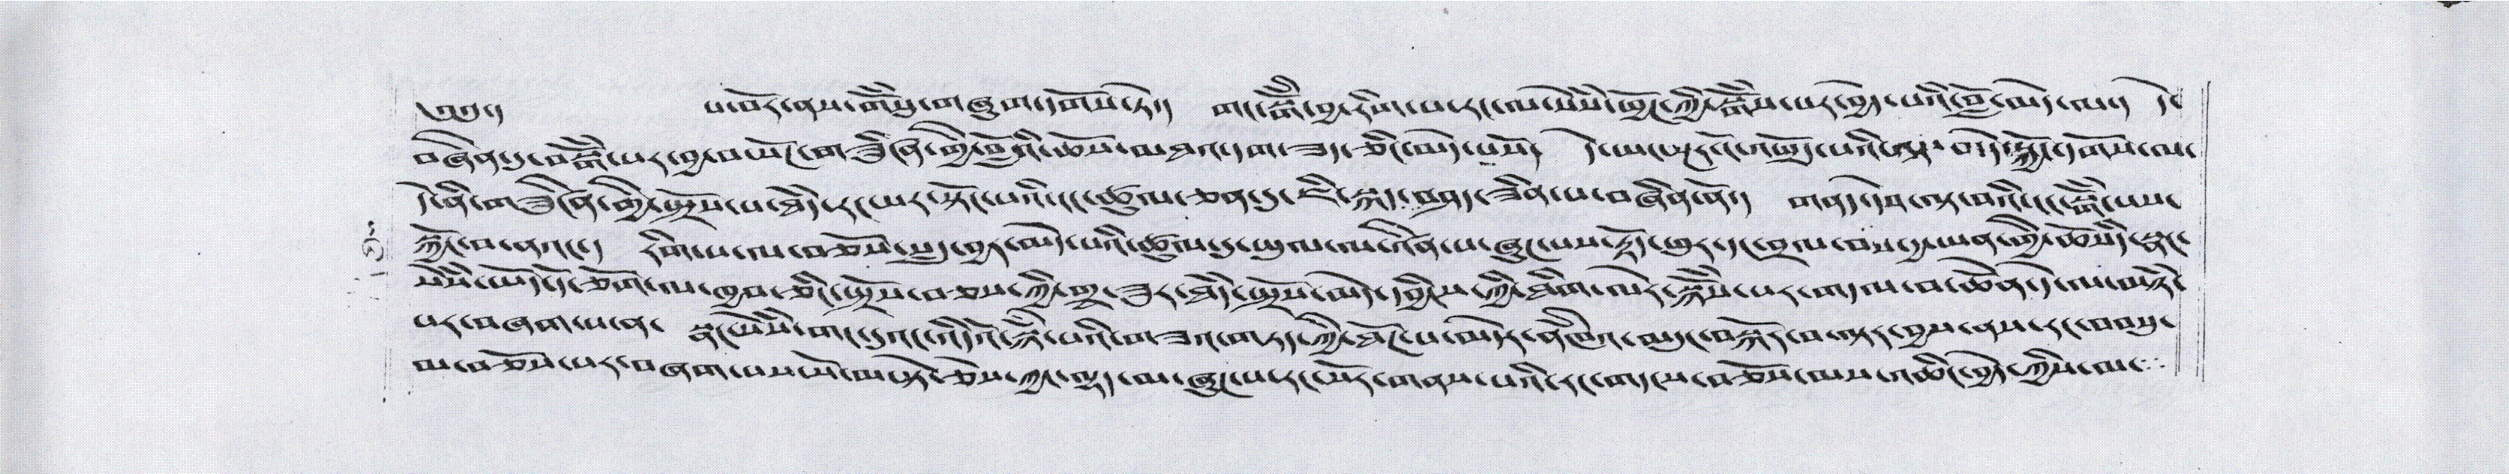པ་བོར་ནས་གོམས་སུ་གཞུག་དགོས་ཏེ། གང་བསྒོམ་བྱ་རིག་པ་རང་ལ་སེམས་ཕྱོགས་ཀྱི་སྒོམ་པར་བྱེད་པའི་བློ་མེད་པས། དེ་
བཞིན་དུ་བསྒོམ་པར་བྱ་བ་སོགས་གཟུང་འཛིན་གྱི་བློའི་ཆོས་མཐའ་དག་ཟད་ཅིང་མེད་པས་སོ། དེ་ཡང་སྔར་ངོ་འཕྲོད་པའི་ལྟ་བ་དེ་སྐྱོང་དགོས་ལ། 
དེ་ནི་གཟུང་འཛིན་གྱི་སྤྲོས་པ་ཐམས་ཅད་རང་སར་སྟོང་པའི་ངང་ཚུལ་ཅན་དུ་ཇི་སྐད་བཤད་ཟིན་པ་བཞིན་ནོ། གནད་དོན་ལྟ་བའི་ངང་སྒོམ་པས་
སྐྱོང་བ་ནའང་། རིག་པ་ལ་བཅོས་སླད་བྱར་མེད་པའི་ཚུལ་དུ་ཡུལ་འཛིན་པ་ཞུགས་པའི་རྟོད་ཕུར་དང་བྲལ་བས་རྒྱ་ཡན་གྱི་ཆོས་ཉིད་སྣང་
སེམས་ཡོད་དོ་ཅོག་ལ་ཁྱབ་ཅིང་སྤྲོས་བཅས་ཀྱི་གྲྭ་ཟུར་ཐམས་ཅད་སྤྲོས་མེད་དབྱིངས་ཀྱི་ཐིག་ལེར་སྙོམས་པར་བདལ་པ་ཆེན་པོ་དེ་ལ་མཉམ་
པར་བཞག་པ་ན། སྣང་སེམས་གང་དུའང་འདིའོ་སྙམ་པའི་གཟའ་གཏད་ཀྱི་ཐོགས་པ་མེད་པར་ནམ་མཁའི་མདུང་བསྐོར་བ་ལྟར་བྱས་ནས་རང་བབས་སུ་
མ་བཅོས་པར་བཞག་པས་སོ་མ་སྟེ་ཅིས་ཀྱང་ལྷད་མ་ཞུགས་པ་རང་སོར་གནས་པའི་རང་གདངས་བཅོས་མས་འཆིང་བྱེད་ཀྱིས་མ་